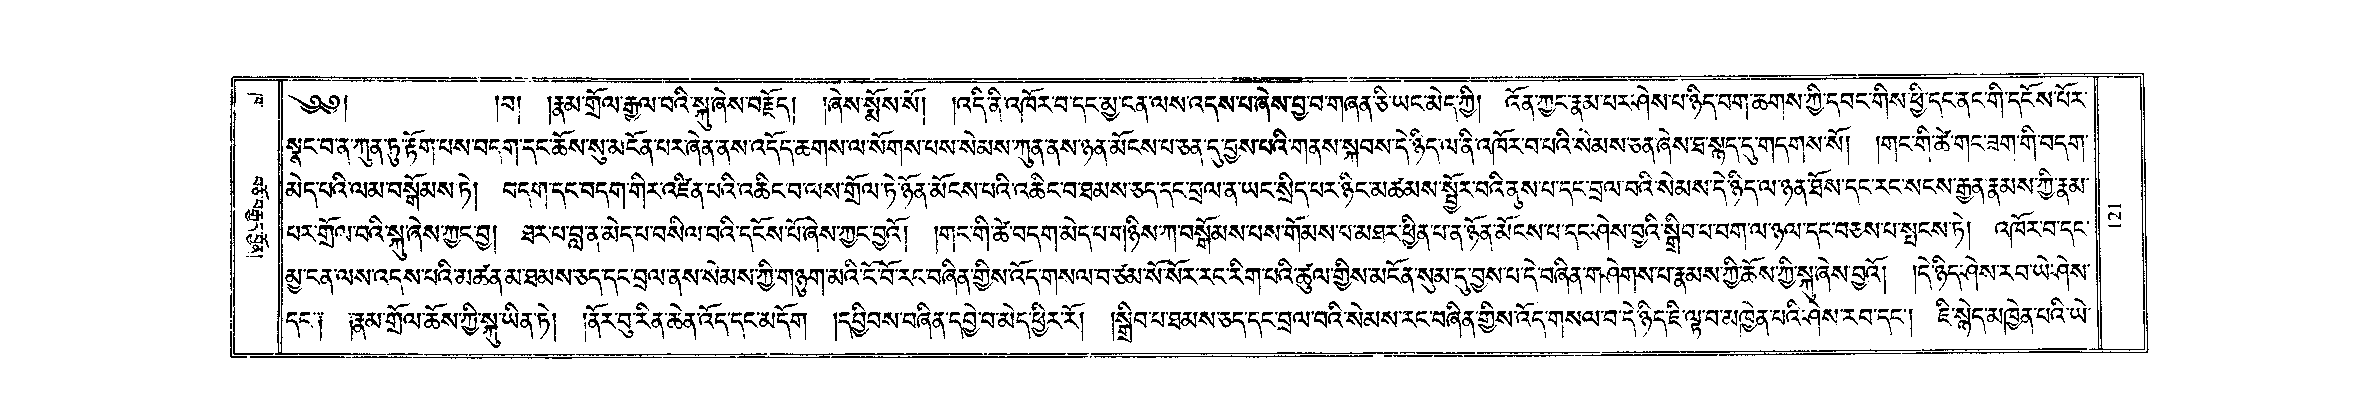༄༅། །བ། །རྣམ་གྲོལ་རྒྱལ་བའི་སྐུ་ཞེས་བརྗོད། །ཞེས་སྨོས་སོ། །འདི་ནི་འཁོར་བ་དང་མྱ་ངན་ལས་འདས་པ་ཞེས་བྱ་བ་གཞན་ཅི་ཡང་མེད་ཀྱི། འོན་ཀྱང་རྣམ་པར་ཤེས་པ་ཉིད་བག་ཆགས་ཀྱི་དབང་གིས་ཕྱི་དང་ནང་གི་དངོས་པོར་
སྣང་བ་ན་ཀུན་ཏུ་རྟོག་པས་བདག་དང་ཆོས་སུ་མངོན་པར་ཞེན་ནས་འདོད་ཆགས་ལ་སོགས་པས་སེམས་ཀུན་ནས་ཉན་མོངས་པ་ཅན་དུ་བྱས་པའི་གནས་སྐབས་དེ་ཉིད་ལ་ནི་འཁོར་བ་པའི་སེམས་ཅན་ཞེས་ཐ་སྙད་དུ་གདགས་སོ། །གང་གི་ཚེ་གང་ཟག་གི་བདག་
མེད་པའི་ལམ་བསྒོམས་ཏེ། བདག་དང་བདག་གིར་འཛིན་པའི་འཆིང་བ་ལས་གྲོལ་ཏེ་ཉོན་མོངས་པའི་འཆིང་བ་ཐམས་ཅད་དང་བྲལ་ན་ཡང་སྲིད་པར་ཉིང་མཚམས་སྦྱོར་བའི་ནུས་པ་དང་བྲལ་བའི་སེམས་དེ་ཉིད་ལ་ཉན་ཐོས་དང་རང་སངས་རྒྱས་རྣམས་ཀྱི་རྣམ་
པར་གྲོལ་བའི་སྐུ་ཞེས་ཀྱང་བྱ། ཐར་པ་བླ་ན་མེད་པ་བསིལ་བའི་དངོས་པོ་ཞེས་ཀྱང་བྱའོ། །གང་གི་ཚེ་བདག་མེད་པ་གཉིས་ཀ་བསྒོམས་པས་གོམས་པ་མཐར་ཕྱིན་པ་ན་ཉོན་མོངས་པ་དང་ཤེས་བྱའི་སྒྲིབ་པ་བག་ལ་ཉལ་དང་བཅས་པ་སྤངས་ཏེ། འཁོར་བ་དང་
མྱ་ངན་ལས་འདས་པའི་མཚན་མ་ཐམས་ཅད་དང་བྲལ་ནས་སེམས་ཀྱི་གཉུག་མའི་ངོ་བོ་རང་བཞིན་གྱིས་འོད་གསལ་བ་ཙམ་སོ་སོར་རང་རིག་པའི་ཚུལ་གྱིས་མངོན་སུམ་དུ་བྱས་པ་དེ་བཞིན་གཤེགས་པ་རྣམས་ཀྱི་ཆོས་ཀྱི་སྐུ་ཞེས་བྱའོ། །དེ་ཉིད་ཤེས་རབ་ཡེ་ཤེས་
དང༑ ༑རྣམ་གྲོལ་ཆོས་ཀྱི་སྐུ་ཡིན་ཏེ། །ནོར་བུ་རིན་ཆེན་འོད་དང་མདོག །དབྱིབས་བཞིན་དབྱེ་བ་མེད་ཕྱིར་རོ། །སྒྲིབ་པ་ཐམས་ཅད་དང་བྲལ་བའི་སེམས་རང་བཞིན་གྱིས་འོད་གསལ་བ་དེ་ཉིད་ཇི་ལྟ་བ་མཁྱེན་པའི་ཤེས་རབ་དང་། ཇི་སྙེད་མཁྱེན་པའི་ཡེ་